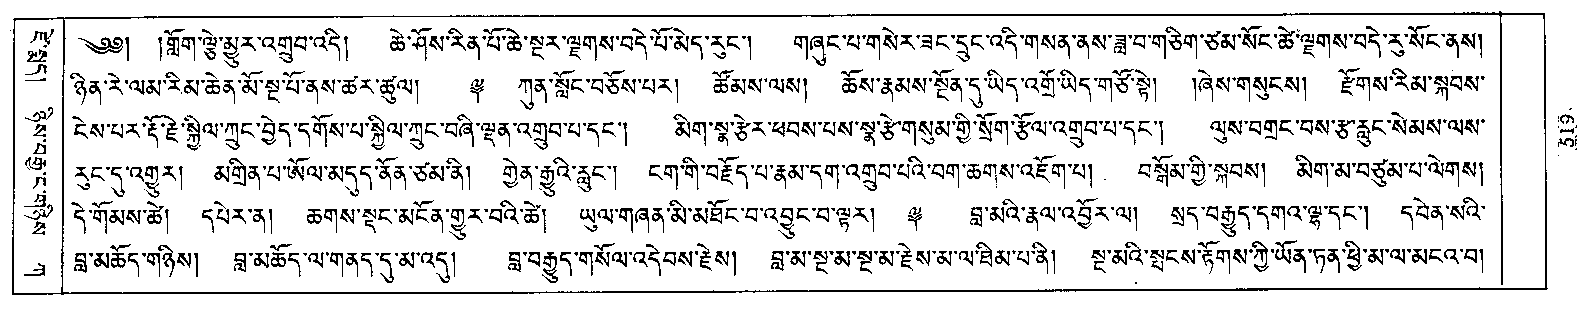༄༅། །གློག་ལྕེ་མྱུར་འགྲུབ་འདི། ཆེ་ཤོས་རིན་པོ་ཆེ་སྔར་ལྗགས་བདེ་པོ་མེད་རུང་། གཞུང་པ་གསེར་ཟང་དྲུང་འདི་གསན་ནས་ཟླ་བ་གཅིག་ཙམ་སོང་ཚེ་ལྗགས་བདེ་རུ་སོང་ནས།
ཉིན་རེ་ལམ་རིམ་ཆེན་མོ་སྔ་པོ་ནས་ཚར་ཚུལ། ༈ ཀུན་སློང་བཅོས་པར། ཚོམས་ལས། ཆོས་རྣམས་སྔོན་དུ་ཡིད་འགྲོ་ཡིད་གཙོ་སྟེ། །ཞེས་གསུངས། རྫོགས་རིམ་སྐབས་
ངེས་པར་རྡོ་རྗེ་སྐྱིལ་ཀྲུང་བྱེད་དགོས་པ་སྐྱིལ་ཀྲུང་བཞི་ལྡན་འགྲུབ་པ་དང་། མིག་སྣ་རྩེར་ཕབས་པས་སྣ་རྩེ་གསུམ་གྱི་སྲོག་རྩོལ་འགྲུབ་པ་དང་། ལུས་བགྲང་བས་རྩ་རླུང་སེམས་ལས་
རུང་དུ་འགྱུར། མགྲིན་པ་ཨོལ་མདུད་ནོན་ཙམ་ནི། གྱེན་རྒྱུའི་རླུང་། ངག་གི་བརྗོད་པ་རྣམ་དག་འགྲུབ་པའི་བག་ཆགས་འཇོག་པ། བསྒོམ་གྱི་སྐབས། མིག་མ་བཙུམ་པ་ལེགས།
དེ་གོམས་ཚེ། དཔེར་ན། ཆགས་སྡང་མངོན་གྱུར་བའི་ཚེ། ཡུལ་གཞན་མི་མཐོང་བ་འབྱུང་བ་ལྟར། ༈ བླ་མའི་རྣལ་འབྱོར་ལ། སྲད་བརྒྱུད་དགའ་ལྷ་དང་། དབེན་སའི་
བླ་མཆོད་གཉིས། བླ་མཆོད་ལ་གནད་དུ་མ་འདུ། བླ་བརྒྱུད་གསོལ་འདེབས་རྗེས། བླ་མ་སྔ་མ་སྔ་མ་རྗེས་མ་ལ་ཐིམ་པ་ནི། སྔ་མའི་སྤངས་རྟོགས་ཀྱི་ཡོན་ཏན་ཕྱི་མ་ལ་མངའ་བ།